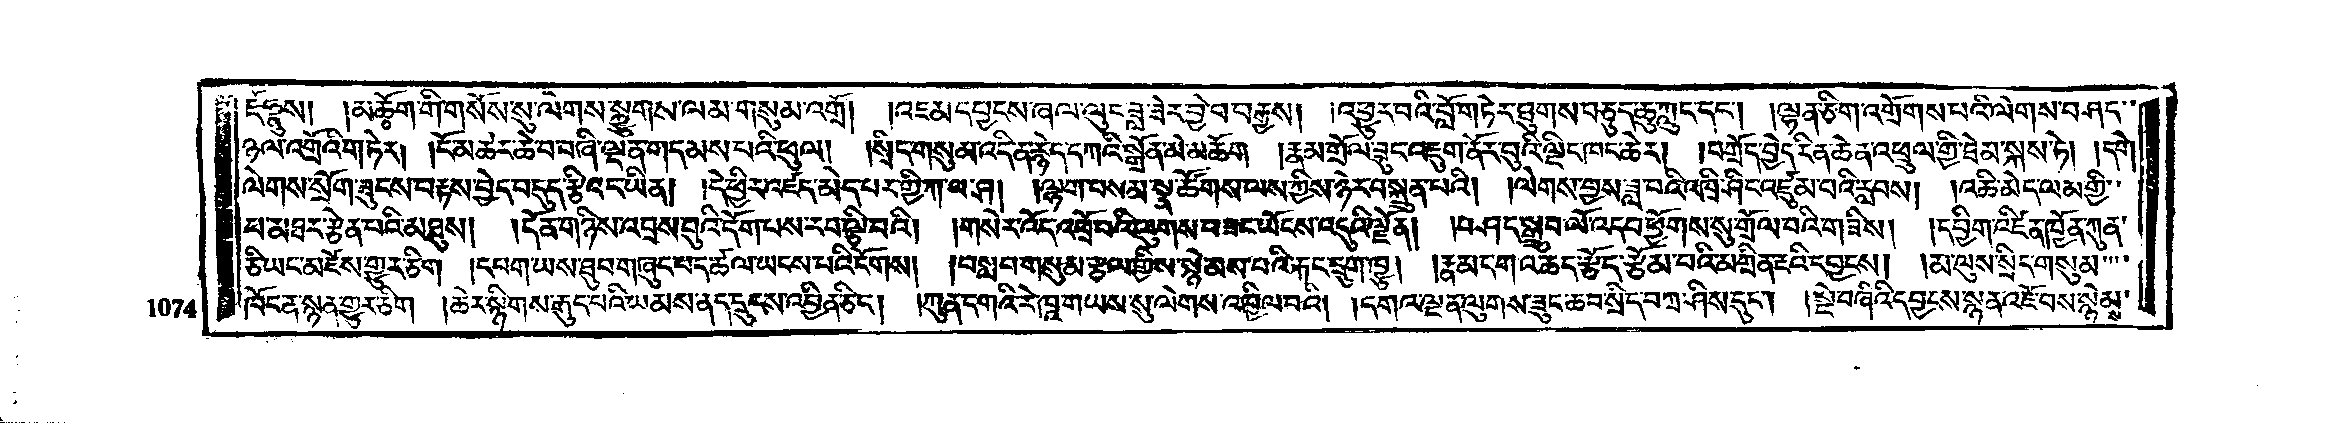ཛཧྣུས། །མཆོག་གི་གསོས་སུ་ལེགས་སྐྱུགས་ལམ་གསུམ་འགྲོ། །འཇམ་དབྱངས་ཞལ་ལུང་ཟླ་ཟེར་བྱེ་བ་བརྒྱས། །འཕྱུར་བའི་བློ་གཏེར་ཐུགས་བཅུད་ཆུ་ཀླུང་དང་། །ལྷན་ཅིག་འགྲོགས་པའི་ལེགས་བཤད་
ཉལ་འགྲོའི་གཏེར། །ངོ་མཚར་ཆེ་བ་བཞི་ལྡན་གདམས་པའི་ཕུལ། །སྲིད་གསུམ་འདི་ན་རྙེད་དཀའི་སྒྲོན་མེ་མཆོག །རྣམ་གྲོལ་ཟུང་འཇུག་ནོར་བུའི་ལྡིང་ཁང་ཆེར། །བགྲོད་བྱེད་རིན་ཆེན་འཕྲུལ་གྱི་ཐེམ་སྐས་ཏེ། །དགེ་
ལེགས་སྲོག་ཟུངས་བརྟས་བྱེད་བདུད་རྩིའང་ཡིན། །དེ་ཕྱིར་འཛད་མེད་པར་གྱི་ཀ་ལ་ཤ། །ལྷག་བསམ་སྣ་ཚོགས་ལས་ཀྱིས་ཉེར་བསྐྲུན་པའི། །ལེགས་བྱས་ཟླ་བའི་འཁྲི་ཤིང་འཛུམ་པའི་རླབས། །འཆི་མེད་ལམ་གྱི་
ཕ་མཐར་རྩེན་པའི་མཐུས། །དོན་གཉིས་འབྲས་བུའི་དོག་པས་རབ་ལྕི་བའི། །གསེར་འོད་འཕྲོ་བའི་ལུགས་བཟང་ཡོངས་འདུའི་ལྗོན། །བཤད་སྒྲུབ་ལོ་འདབ་ཕྱོགས་སུ་གྲོལ་བའི་གཟིས། །དབྱིག་འཛིན་ཁྱོན་ཀུན་
ཅི་ཡང་མཛེས་གྱུར་ཅིག །དཔག་ཡས་ཐུབ་གཞུང་པད་ཚལ་ཡངས་པའི་ངོགས། །བསླབ་གསུམ་རྩལ་གྱིས་སྙེམས་པའི་རྐང་དྲུག་ཁྱུ། །རྣམ་དག་འཆད་རྩོད་རྩོམ་པའི་མགྲིན་རྔའི་དབྱངས། །མ་ལུས་སྲིད་གསུམ་
ཁོང་ན་སྙན་གྱུར་ཅིག །ཆེར་སྙིགས་རྒུད་པའི་ཡམས་ནད་དྲུངས་འབྱིན་ཅིང་། །ཀུན་དགའི་རེ་ཁཱ་གཡས་སུ་ལེགས་འཁྱིལ་བའི། །དགའ་ལྡན་ལུགས་ཟུང་ཆབ་སྲིད་བཀྲ་ཤིས་དུང་། །སྡེ་བཞིའི་དབྱངས་སྙན་འཇོ་བས་སྙེམས་